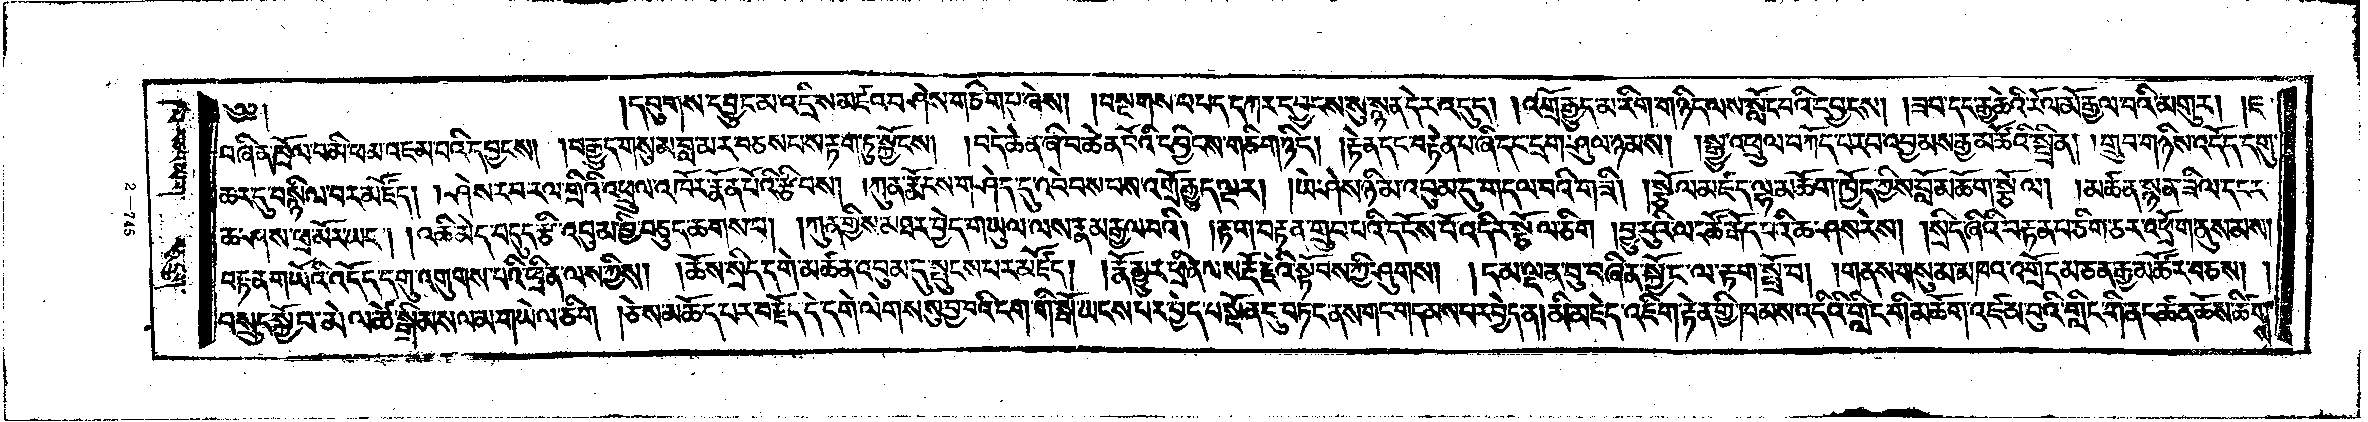༄༅། །དབུགས་དབྱུང་མ་འདྲིས་མཛའ་བཤེས་གཅིག་པུ་ཞེས། །བསྔགས་པ་པད་དཀར་དབྱངས་སུ་སྙན་དེར་འདུད། །འགྲོ་རྒྱུད་མ་རིག་གཉིད་ལས་སློང་བའི་དབྱངས། །ཟབ་དང་རྒྱ་ཆེའི་རོལ་མོ་རྒྱལ་བའི་མགུར། །ཇ་
བཞིན་ཁྲོལ་བ་མི་ཕམ་འཇམ་པའི་དབྱངས། །བརྒྱུད་གསུམ་བླ་མར་བཅས་པས་རྟག་ཏུ་སྐྱོངས། །བདེ་ཆེན་ཞི་བ་ཆེན་པོའི་དབྱིངས་གཅིག་ཉིད། །རྟེན་དང་བརྟེན་པ་ཞི་དང་དྲག་ཤུལ་ཉམས། །སྒྱུ་འཕྲུལ་བཀོད་པར་འབྱམས་རྒྱ་མཚོའི་སྤྲིན། །གྲུབ་གཉིས་འདོད་དགུ་
ཆར་དུ་བསྙིལ་བར་མཛོད། །ཤེས་རབ་རལ་གྲིའི་འཕྲུལ་འཁོར་རྣོན་པོའི་རྩིབས། །ཀུན་རྨོངས་གཤེད་དུ་འབེབས་པས་འགྲོ་རྒྱུད་ལྔར། །ཡེ་ཤེས་ཉི་མ་འབུམ་དུ་གདལ་བའི་གཟི། །སྩོལ་མཛད་ལྷ་མཆོག་ཁྱོད་ཀྱིས་བློ་མཆོག་སྩོལ། །མཚན་སྙན་ཟིལ་དངར་
ཆ་ཤས་ཕྲ་མོར་ཡང་། །འཆི་མེད་བདུད་རྩི་འབུམ་བྱི་བཅུད་ཆགས་པ། །ཀུན་གྱིས་མཐར་བྱེད་གཡུལ་ལས་རྣམ་རྒྱལ་བའི། །རྟག་བརྟན་གྲུབ་པའི་དངོས་པོ་འདིར་སྩོལ་ཅིག། །བྱུ་རུའི་ལང་ཚོ་རྒོད་པའི་ཆ་ཤས་རེས། །སྲིད་ཞིའི་བརྟན་པ་ཅིག་ཅར་འཕྲོག་ནུས་མས་
བརྟན་གཡོའི་འདོད་དགུ་འགུགས་པའི་ཕྲིན་ལས་ཀྱིས། །ཆོས་སྲིད་དགེ་མཚན་འབུམ་དུ་སྤུངས་པར་མཛད། །རྣོ་མྱུར་ཕྲིན་ལས་རྡོ་རྗེའི་སྟོབས་ཀྱིས་ཤུགས། །དམ་ལྡན་བུ་བཞིན་སྐྱོང་ལ་རྟག་སྤྲོ་བ། །གནས་གསུམ་མཁའ་འགྲོད་མ་ཅན་རྒྱ་མཚོར་བཅས། །
བསྲུང་སྐྱོབ་མེ་ལ་ཚེ་སྒྲིམས་ལམ་གཡེལ་ཅིག །ཅེས་མཆོད་པར་བརྗོད་དེ་དགེ་ལེགས་སུ་བྱ་བའི་ངག་གི་སྒོ་ཡངས་པར་བྱེད་པ་སྔོན་དུ་བཏང་ནས་གང་གདམས་པར་བྱེད་ན། མི་མཇེད་འཇིག་རྟེན་གྱི་ཁམས་འདིའི་གླིང་གི་མཆོག་འཛམ་བུའི་གླིང་གི་ནང་ཚན་ཆོས་ཚིགས་